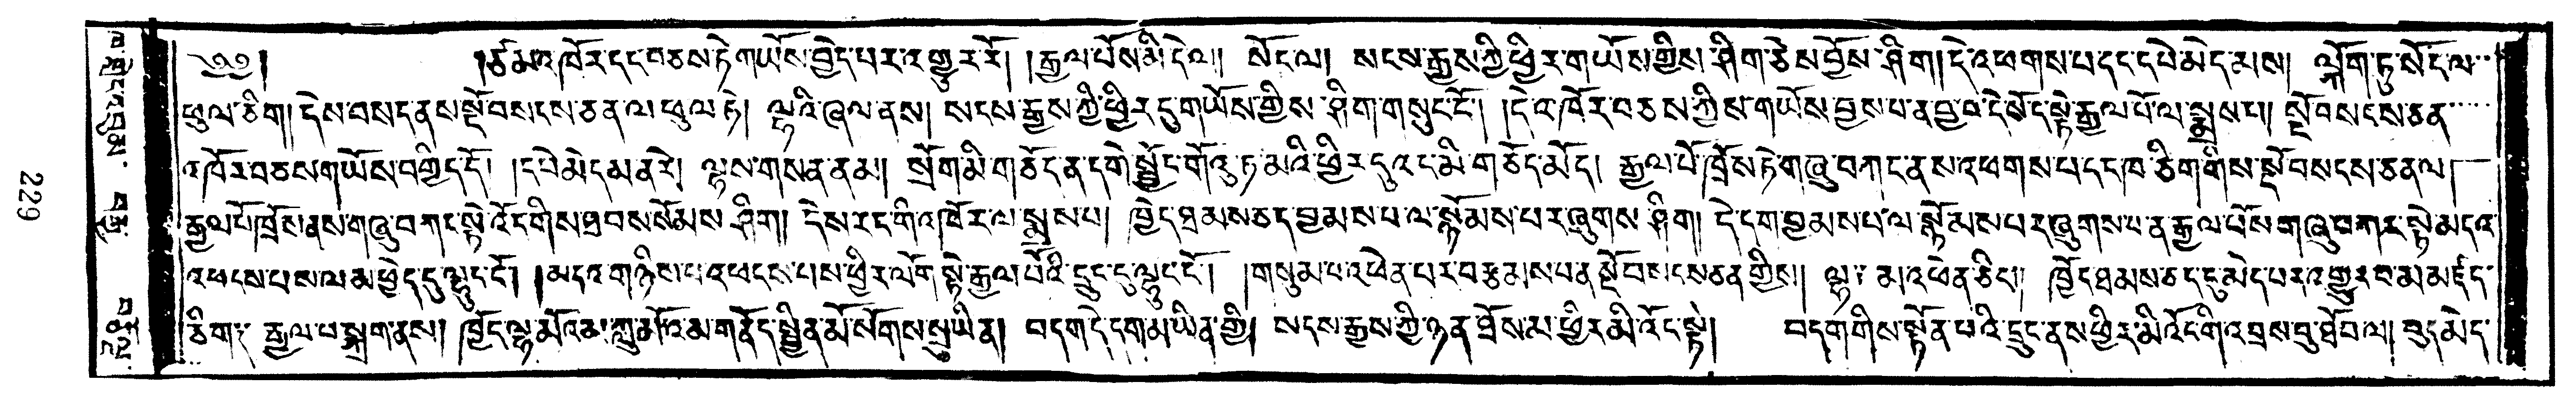༄༅། །ཙམ་འཁོར་དང་བཅས་ཏེ་གཡོས་བྱེད་པར་འགྱུར་རོ། །རྒྱལ་པོས་མི་དེ་ལ། སོང་ལ། སངས་རྒྱས་ཀྱི་ཕྱིར་གཡོས་གྱིས་ཤིག་ཅེས་བྱོས་ཤིག། དེ་འཕགས་པ་དང་དཔེ་མེད་མས། ལྐོག་ཏུ་སོང་ལ་
ཕུལ་ཅིག། དེས་བསད་ནས་སྔོ་བསངས་ཅན་ལ་ཕུལ་ཏེ། ལྷའི་ཞལ་ནས། སངས་རྒྱས་ཀྱི་ཕྱིར་དུ་གཡོས་གྱིས་ཤིག་གསུང་ངོ། །དེ་འཁོར་བཅས་ཀྱིས་གཡོས་བྱས་པ་ན་བྱ་བ་དེ་སོ་ད་སྟེ་རྒྱལ་པོ་ལ་སྨྲས་པ། སྔོ་བསངས་ཅན་
འཁོར་བཅས་གཡོས་བགྱིད་དོ། །དཔེ་མེད་མ་ན་རེ། ལྷས་གསན་ནམ། སྲོག་མི་གཅོད་ན་དགེ་སྦྱོང་གོའུ་ཏ་མའི་ཕྱིར་དུའང་མི་གཅོད་མོད། རྒྱལ་པོ་ཁྲོས་ཏེ་གཞུ་བཀང་ནས་འཕགས་པ་དང་ཁ་ཅིག་གིས་སྔོ་བསངས་ཅན་ལ།
རྒྱལ་པོ་ཁྲོས་ནས་གཞུ་བཀང་སྟེ་འོད་གིས་ཐབས་སོམས་ཤིག། དེས་རང་གི་འཁོར་ལ་སྨྲས་པ། ཁྱེད་ཐམས་ཅད་བྱམས་པ་ལ་སྙོམས་པར་ཞུགས་ཤིག། དེ་དག་བྱམས་པ་ལ་སྙོམས་པར་ཞུགས་པ་ན་རྒྱལ་པོས་གཞུ་བཀར་སྟེ་མདའ་
འཕངས་པས་ལམ་ཕྱེད་དུ་ལྷུང་ངོ། །མདའ་གཉིས་པ་འཕངས་པས་ཕྱིར་ལོག་སྟེ་རྒྱལ་པོའི་དྲུང་དུ་ལྷུང་ངོ། །གསུམ་པ་འཕེན་པར་བརྩམས་པ་ན་སྔོ་བསངས་ཅན་གྱིས། ལྷ༑ མ་འཕེན་ཅིང་། ཁྱོད་ཐམས་ཅད་དུ་མེད་པར་འགྱུར་བ་མ་མཛད་
ཅིག༑ རྒྱལ་པ་སྐྲག་ནས། ཁྱོད་ལྷ་མོའམ་ཀླུ་མོ་འམ་གནོད་སྦྱིན་མོ་སོགས་སྲུ་ཡིན། བདག་དེ་དག་མ་ཡིན་གྱི། སངས་རྒྱས་ཀྱི་ཉན་ཐོས་མ་ཕྱིར་མི་འོང་སྟེ། བདག་གིས་སྟོན་པའི་དྲུང་ནས་ཕྱིར་མི་འོང་གི་འབྲས་བུ་ཐོབ་ལ། བུད་མེད་